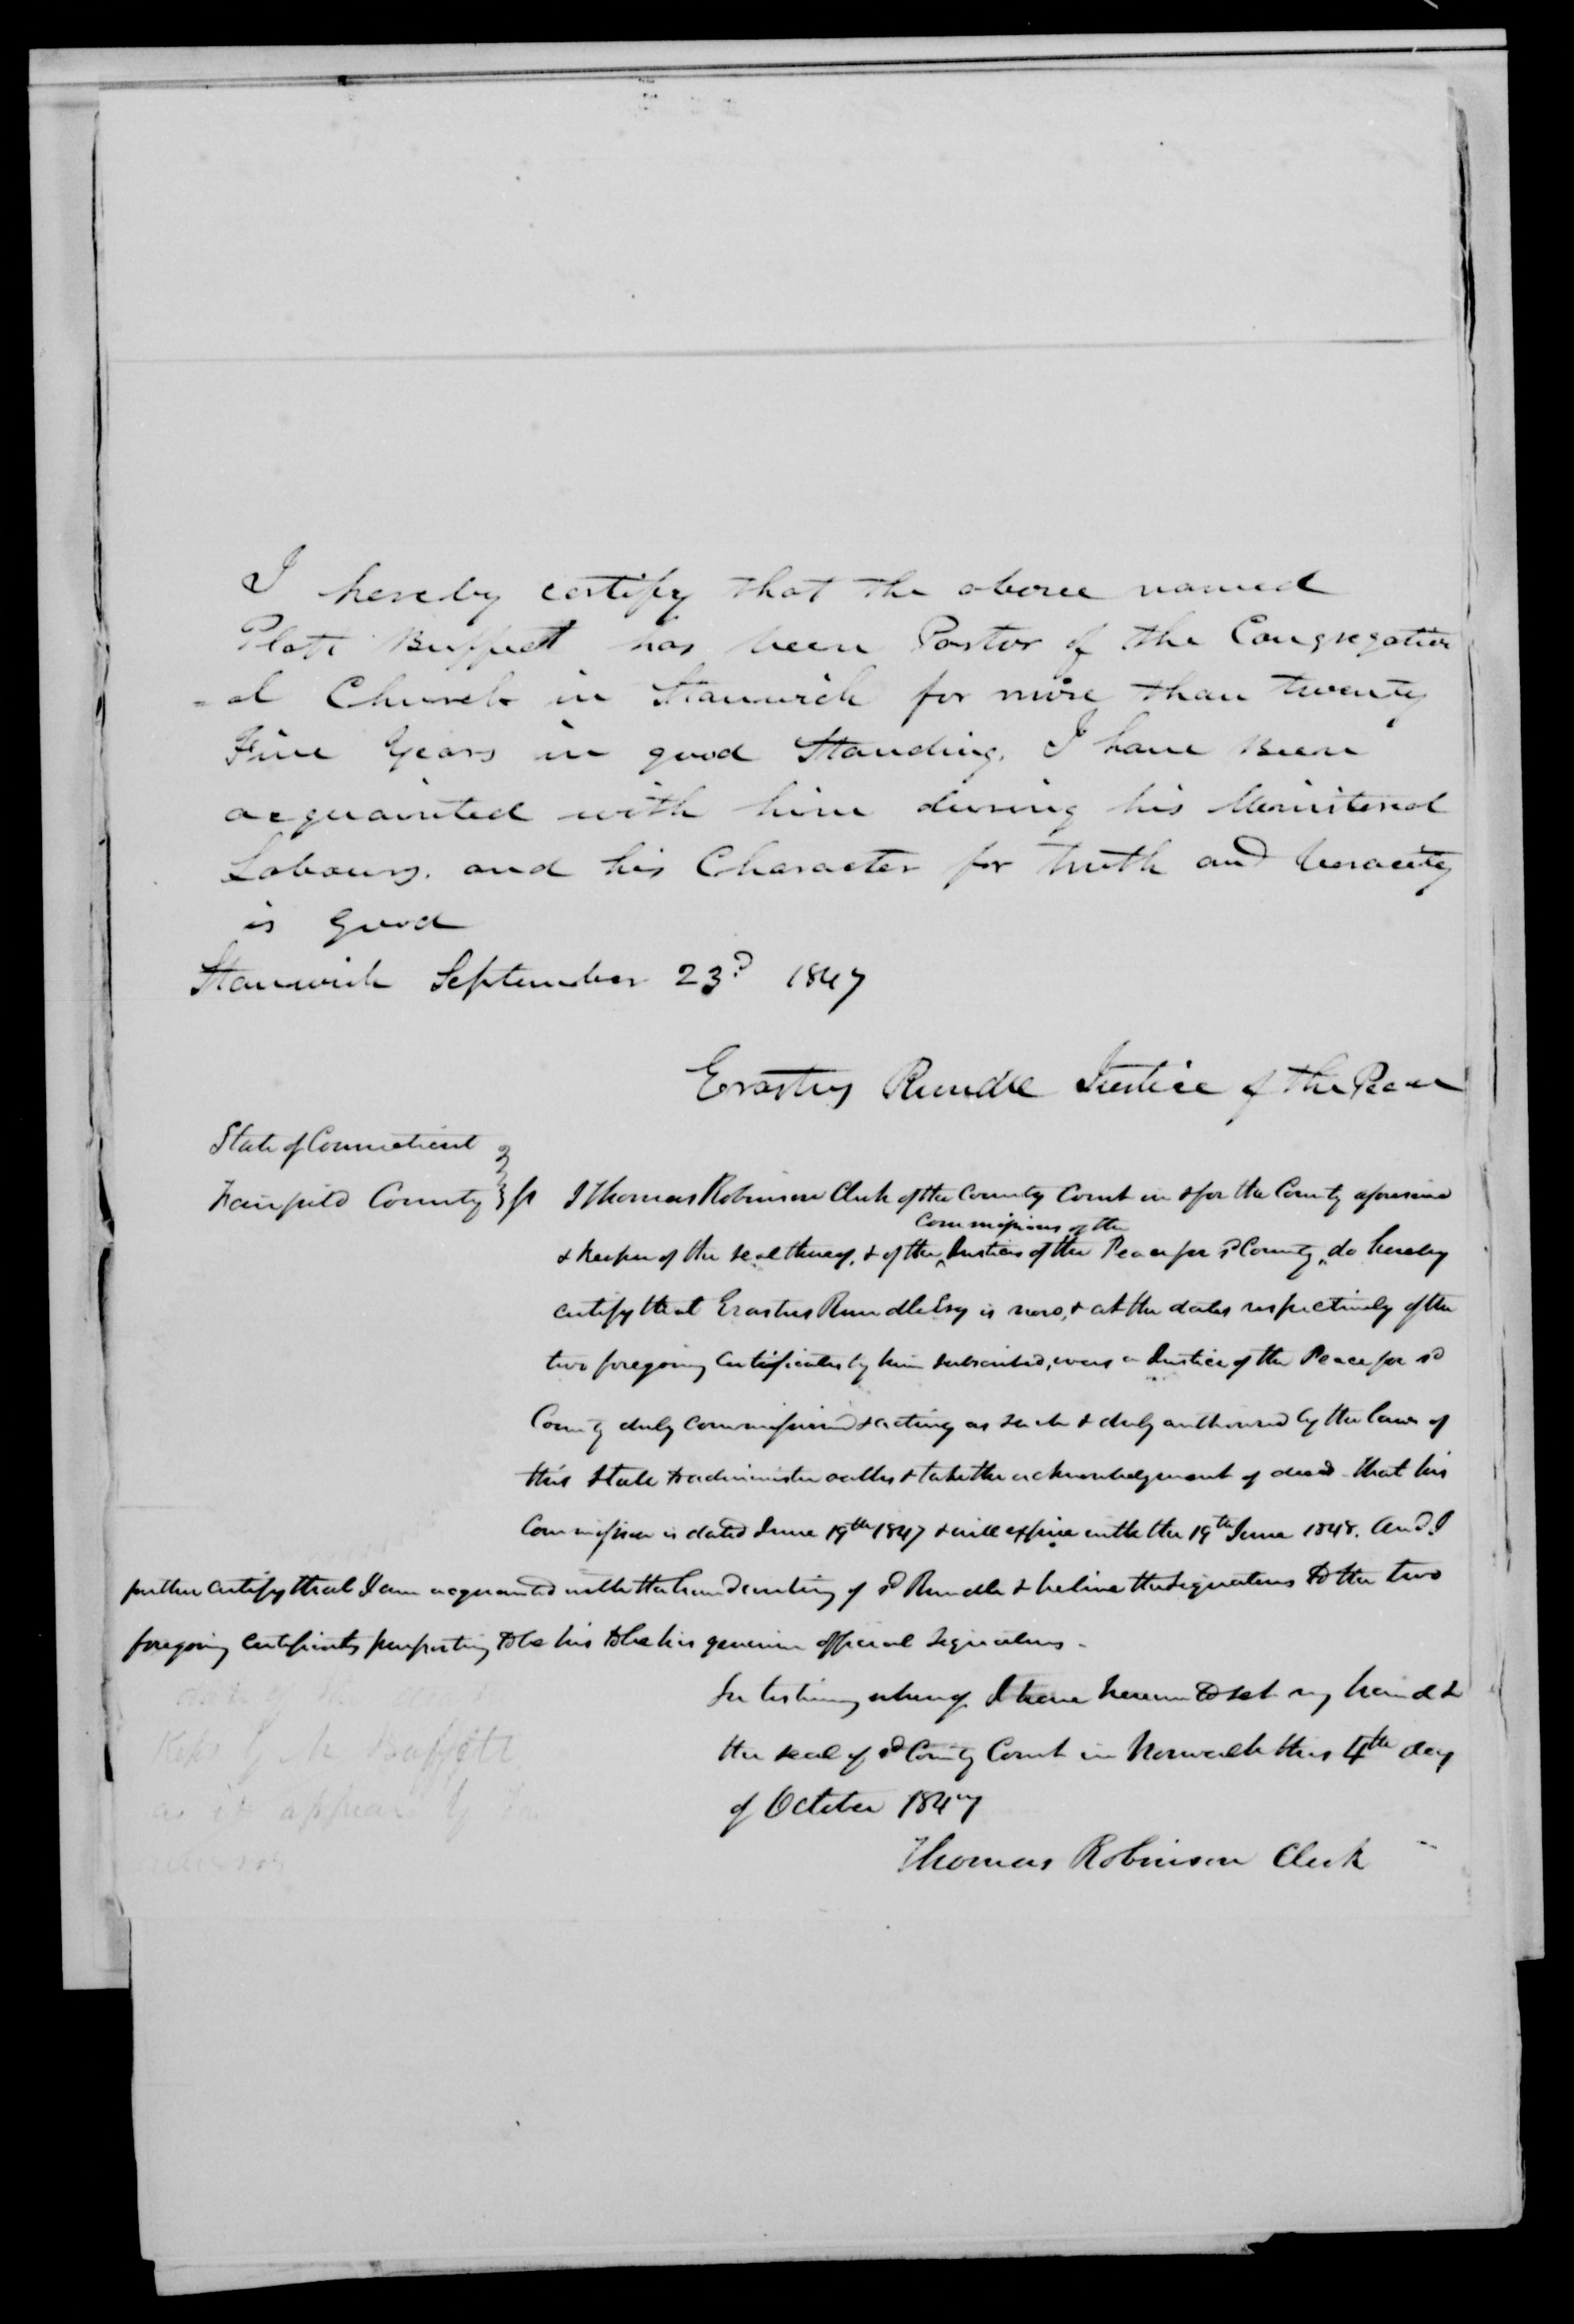I hereby certify that the above named Platt Buffet has been Pastor of the Congregational Church in Stanwick for more than twenty five years in good standing.  I have been acquainted with him during his ministerial labours, and his character for truth and veracity is good.  

Harwich September 23rd 1847

Erastus Rundle Justice of the Peace

State of Connecticut
Fairfield County } ss:  

I Thomas Robinson Clerk of the County Court in and for the County aforesaid and keeper of the seal thereof, and of the commissions of the Justices of the Peace for aforesd County, do hereby certify that Erastus Rundle Esq is now, and at the dates respectively of the two foregoing certificates by him subscribed, was a Justice of the Peace for sd County duly commissioned and acting as such and duly authorised by the laws of this state to administer oaths and take the acknowledgment of deeds, that his commission is dated June 19th 1847 and will expire with the 19th June 1848.  And I further certify that I am acquainted with the handwriting of sd Rundle and believe the signatures to the two foregoing certificates purporting to be his to be his genuine official signatures.  

In testimony whereof I have hereunto set my hand and the seal of sd County Court in Norwalk this 4th day of October 1847

Thomas Robinson Clerk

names: Thomas Robinson; Platt Buffet; Thomas Robinson; Erstus Rundle; Erastus Rundle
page: 8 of 77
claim: survivor's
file: S. 23003, for Silas Southerland, New York